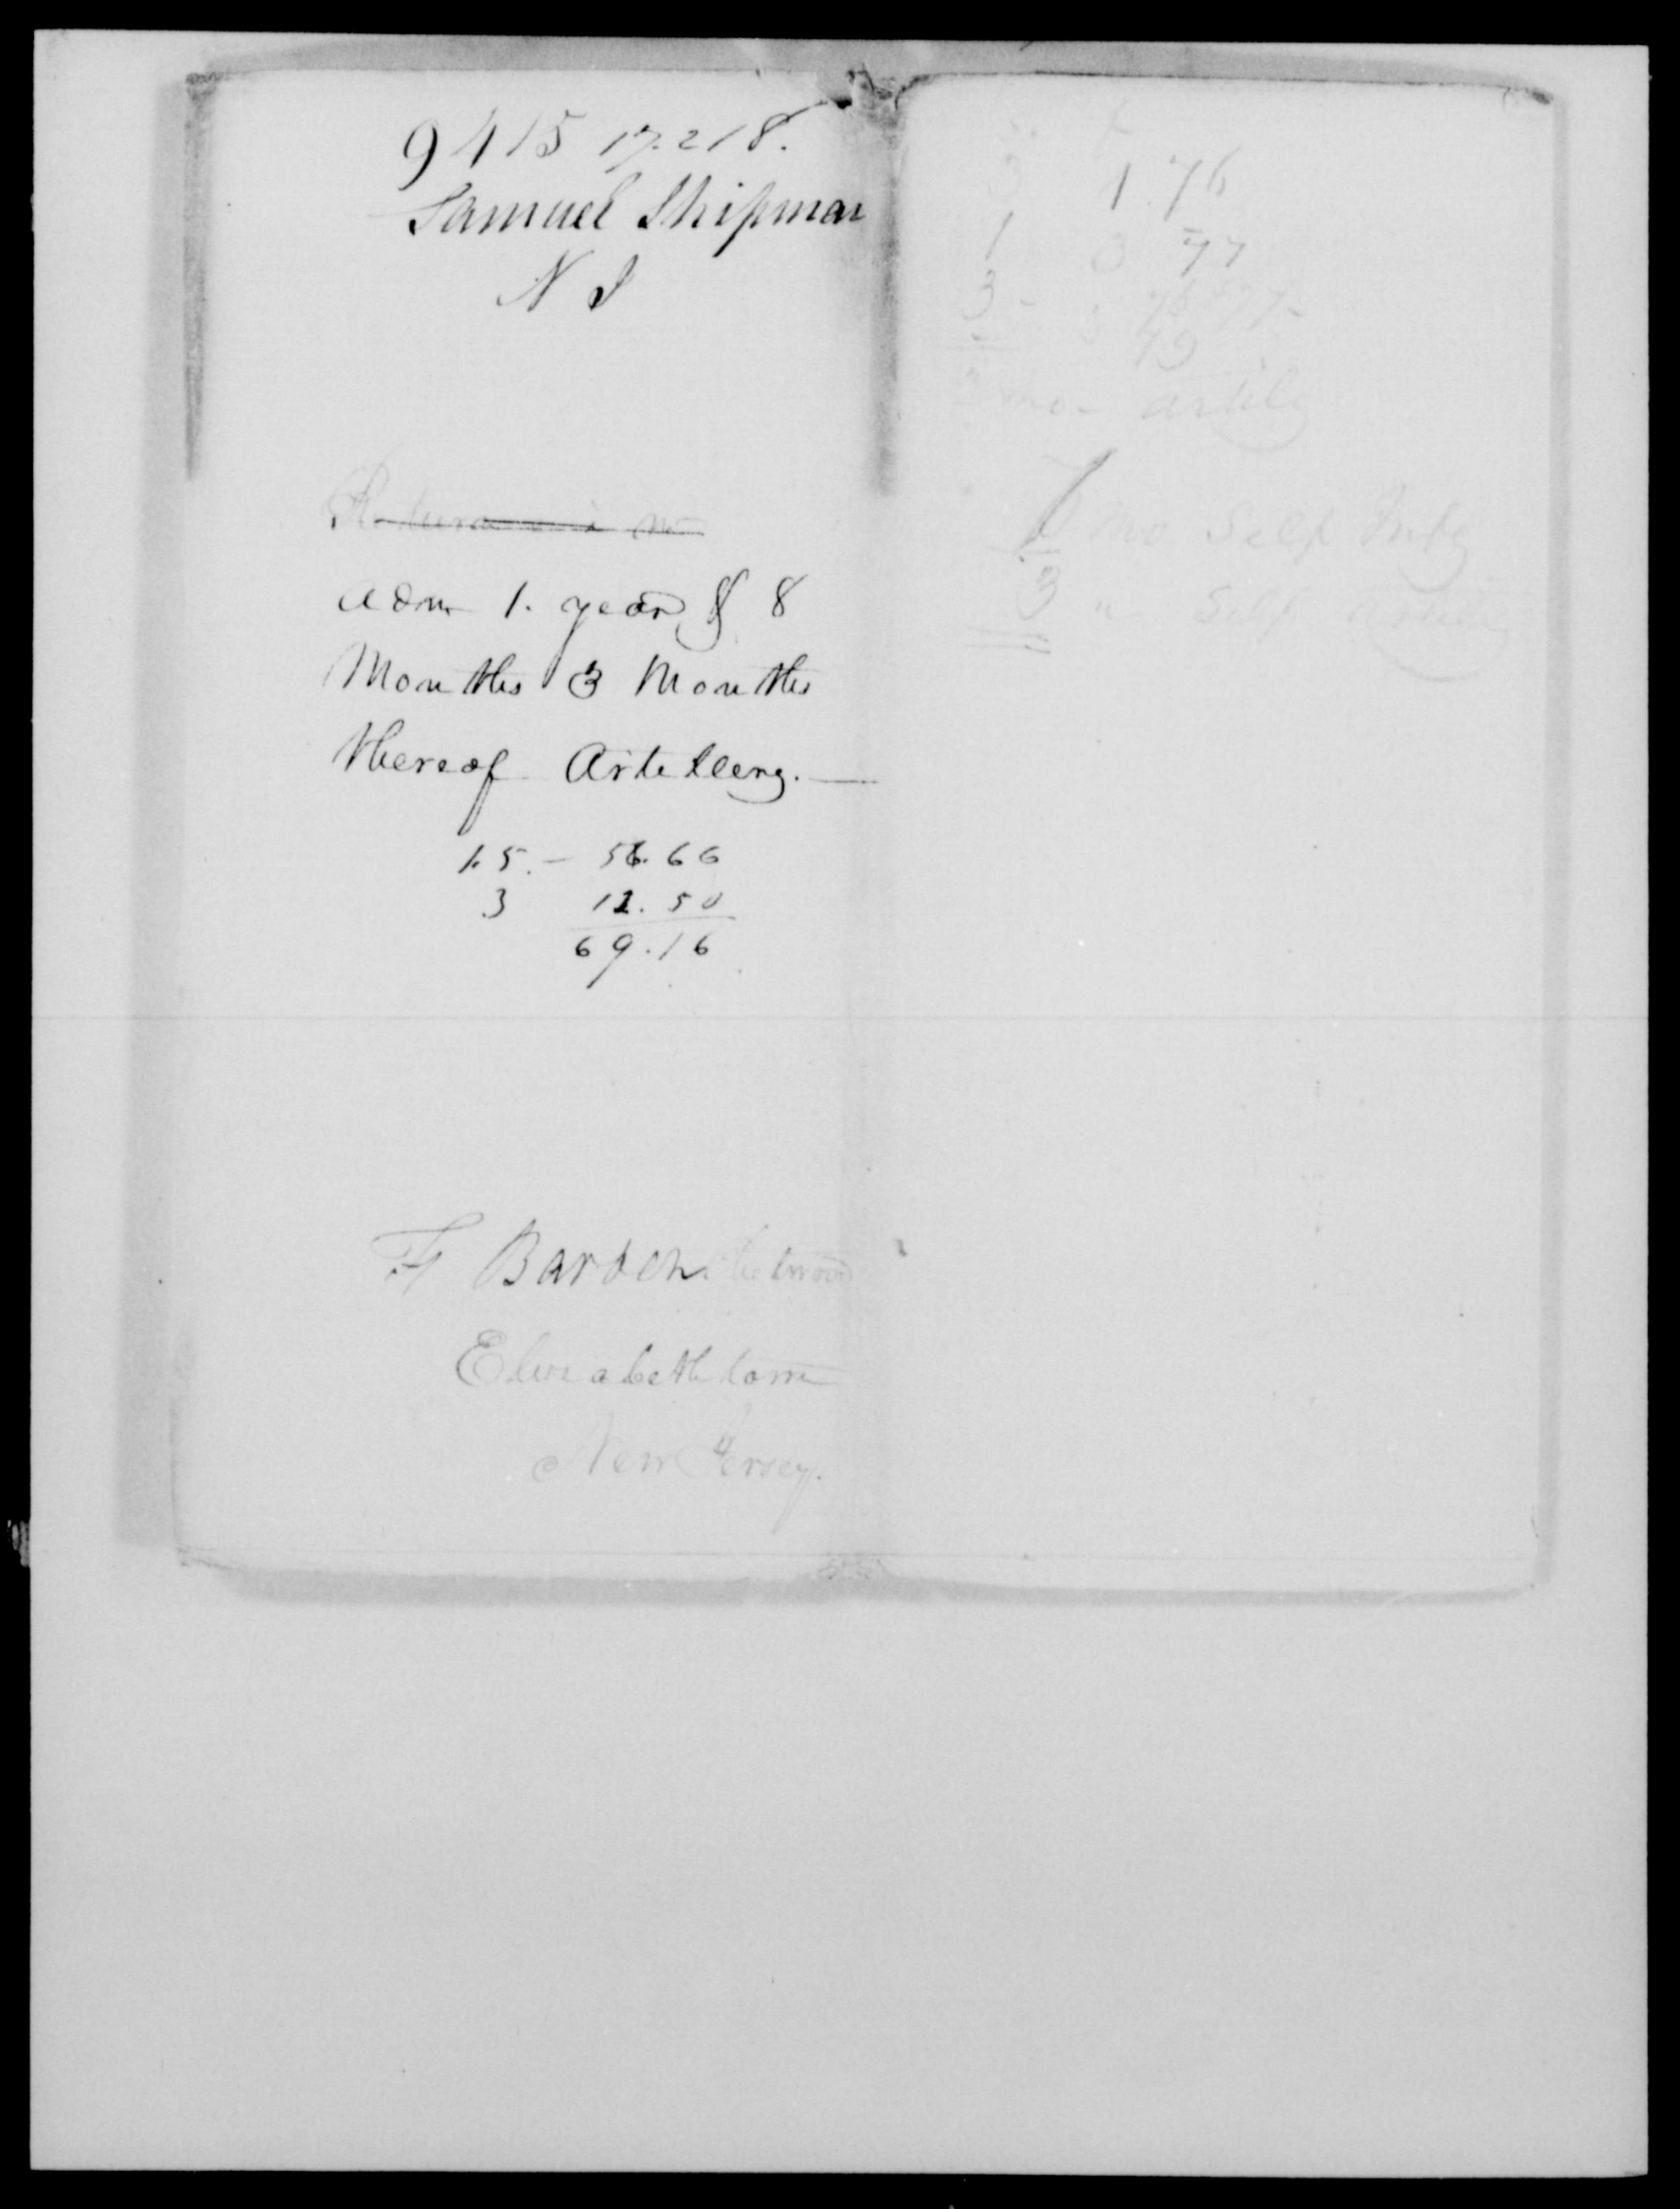9415  17,218.
Samuel Shipman N J

adm  1 year & 8 months   3 months thereof Artillery
1.5  --  56.66
   3     12.50
 _____________
          69.16
F Barden Elizabethtown New Jersey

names: F Barsen; Samuel Shipman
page: 3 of 44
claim: survivor's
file: S. 912, for Samuel Shipman, New Jersey